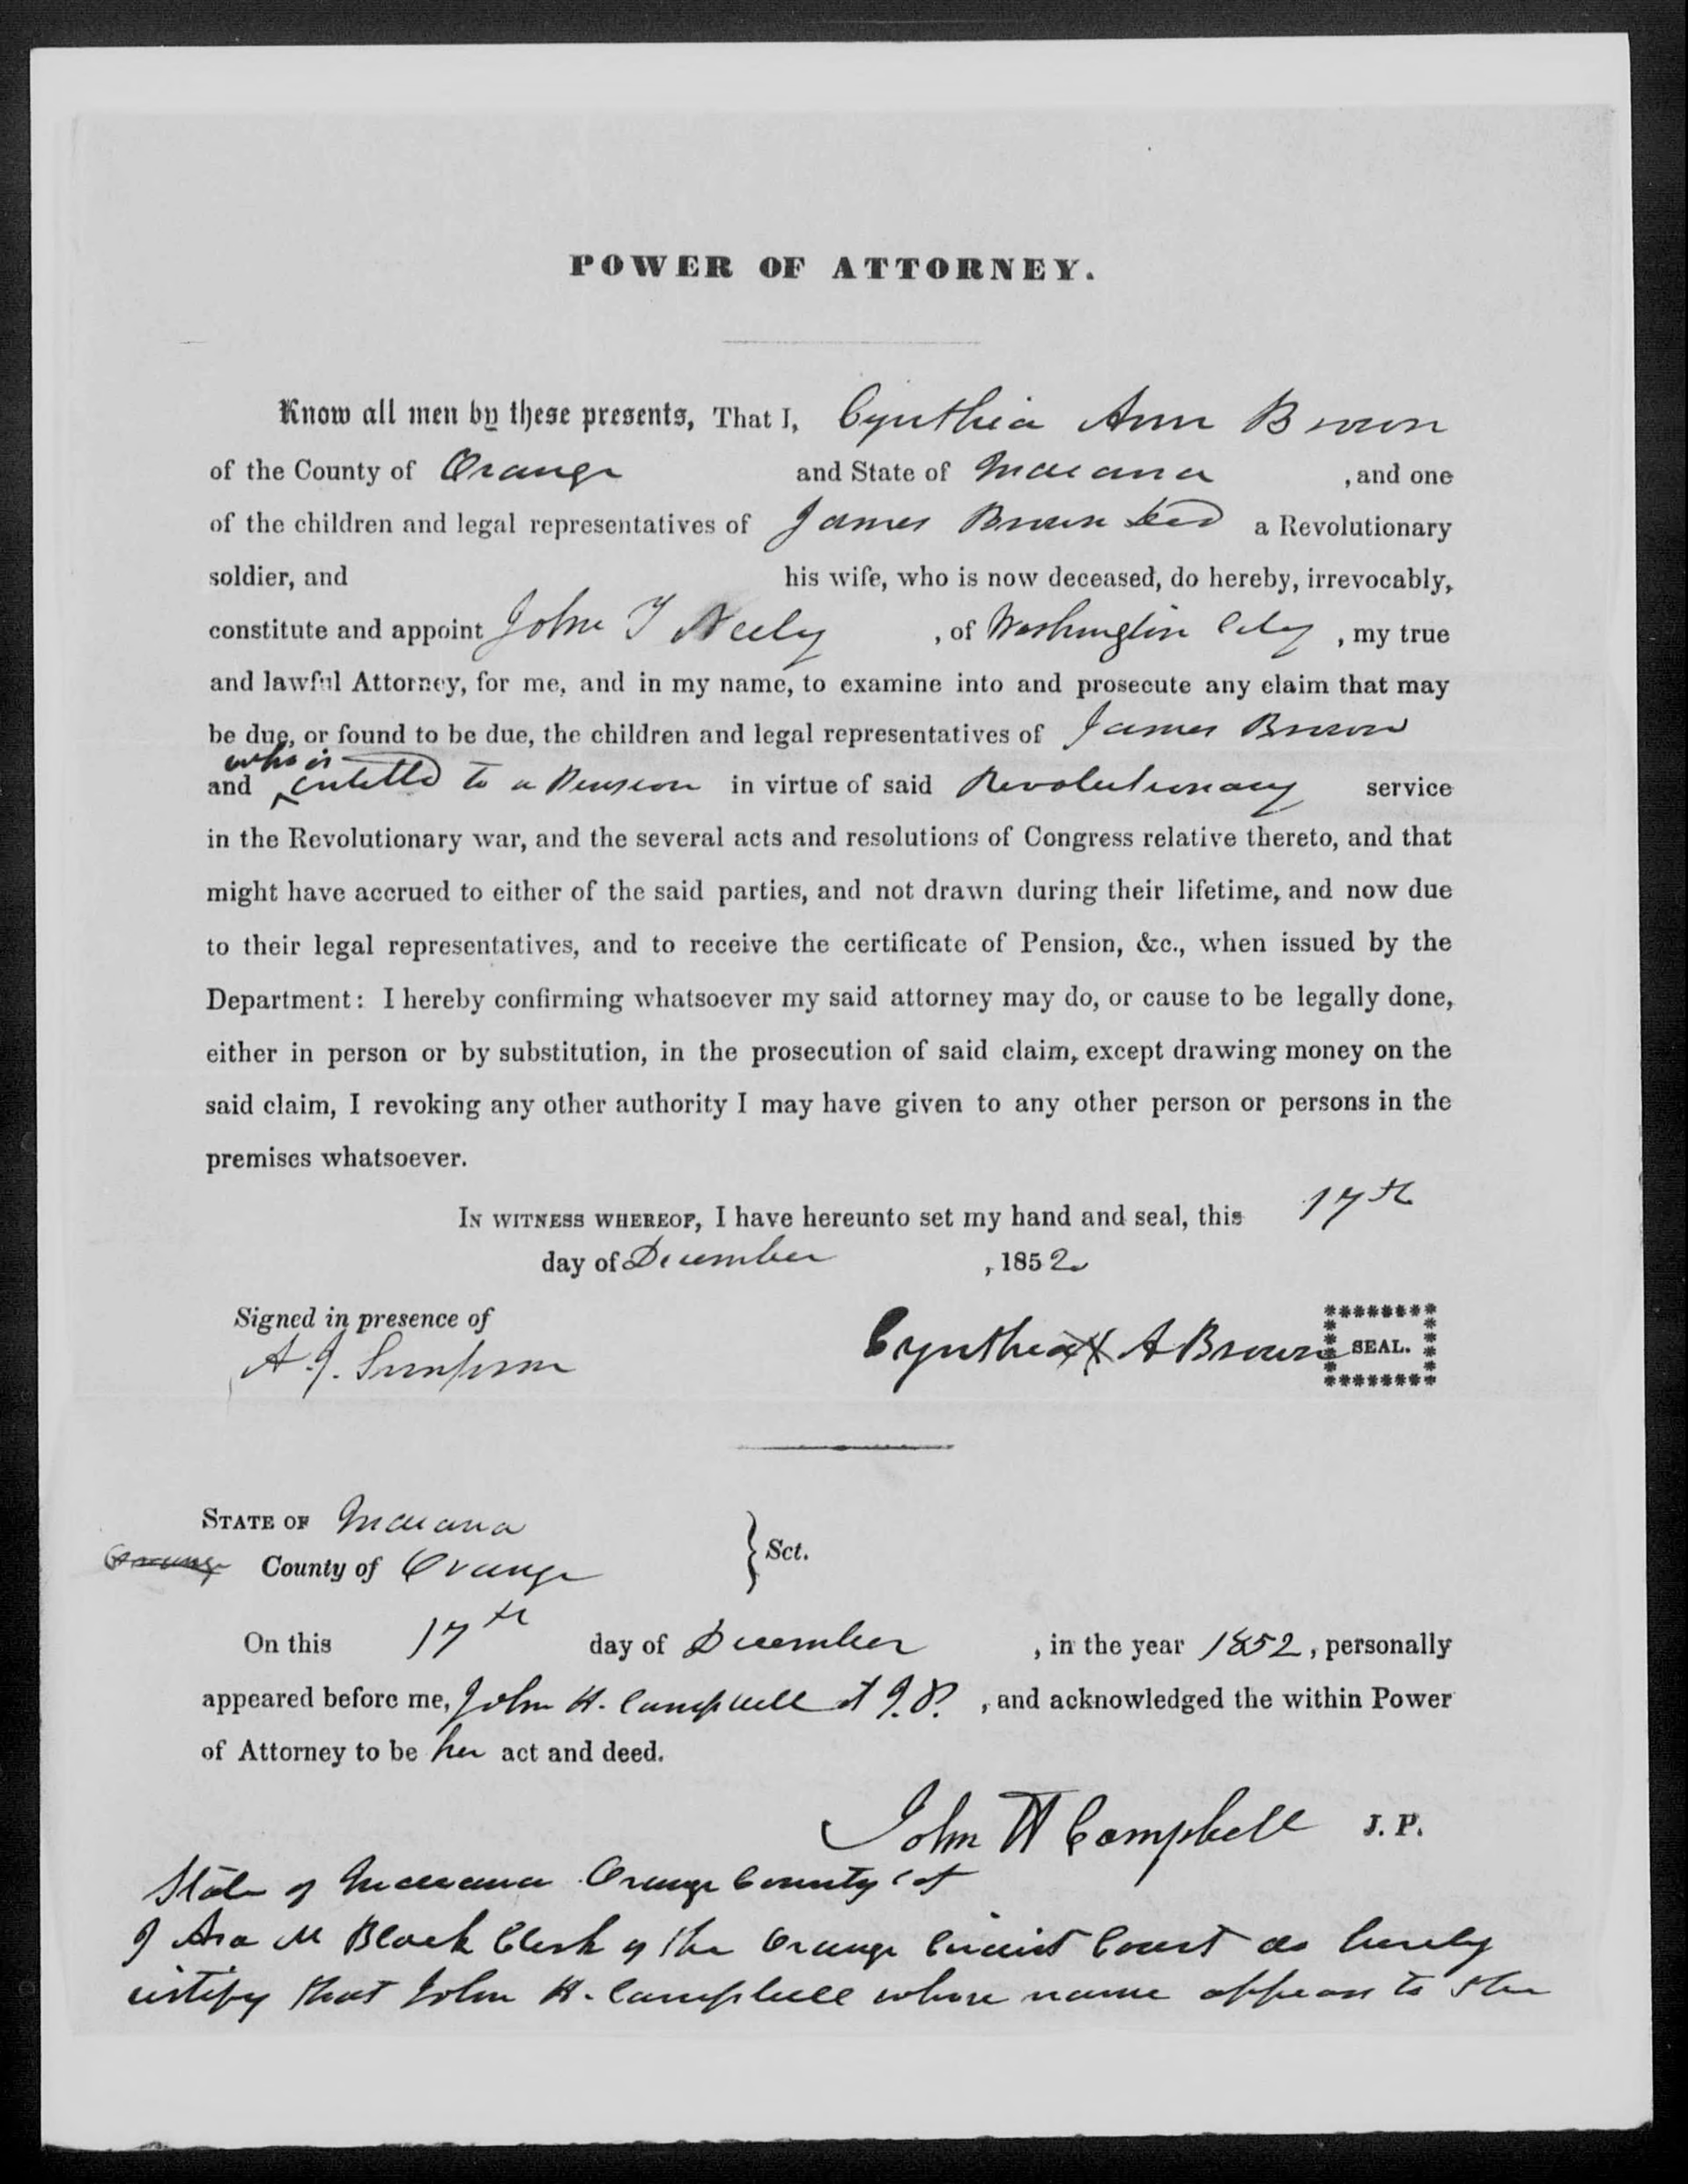POWER OF ATTORNEY.
Know all men by these presents, That I, Cynthia Ann Brown of the County of Orange and State of Indiana and one of the children and legal representatives of James Brown decd a Revolutionary soldier, and
his wife, who is now deceased, do hereby irrevocably, constitute and appoint John T Neely of Washington City, my true and lawful Attorney, for me, and in my name, to examine into and prosecute any claim that may
be due, or found to be due, the children and legal representatives of James Brown and who is entitled to a Pension in virtue of said Revolutionary service
in the Revolutionary war, and the several acts and resolutions of Congress relative thereto, and that
might have accrued to either of the said parties, and not drawn during their lifetime, and now due
to their legal representatives, and to receive the certificate of Pension, &c., when issued by the Department: I hereby confirming whatsoever my said attorney may do or cause to be legally done, either in person or by substitution, in the prosecution of said claim, except drawing money on the said claim, I revoking any other authority I may have given to any other person or persons in the
premises whatsoever.
s/ Cynthia A Brown
IN WITNESS WHEREOF, I have hereunto set my hand and seal, this 17th day of December 1852.
Signed in presence of
s/ A. J. Simpson

STATE OF Indiana County of Orange
On this 17th day of December
in the year 1852, personally
appeared before me, John H. Campbell a J.P. and acknowledged the within Power of Attorney to be her act and deed.
s/ John H Campbell J.P.
State of Indiana Orange County act
of Asa M Black Clerk of the Orange Circuit Court do hereby certify that John H Campbell whose name appears to the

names: Asa M Black, James Brown, John H Campbell, John H Campbell, A J Simpson, John T Neely, Cynthia A Brown, Cynthia Ann Brown, John H Campbell, James Brown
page: 27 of 41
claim: rejected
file: R. 1309, James Brown, S.C.